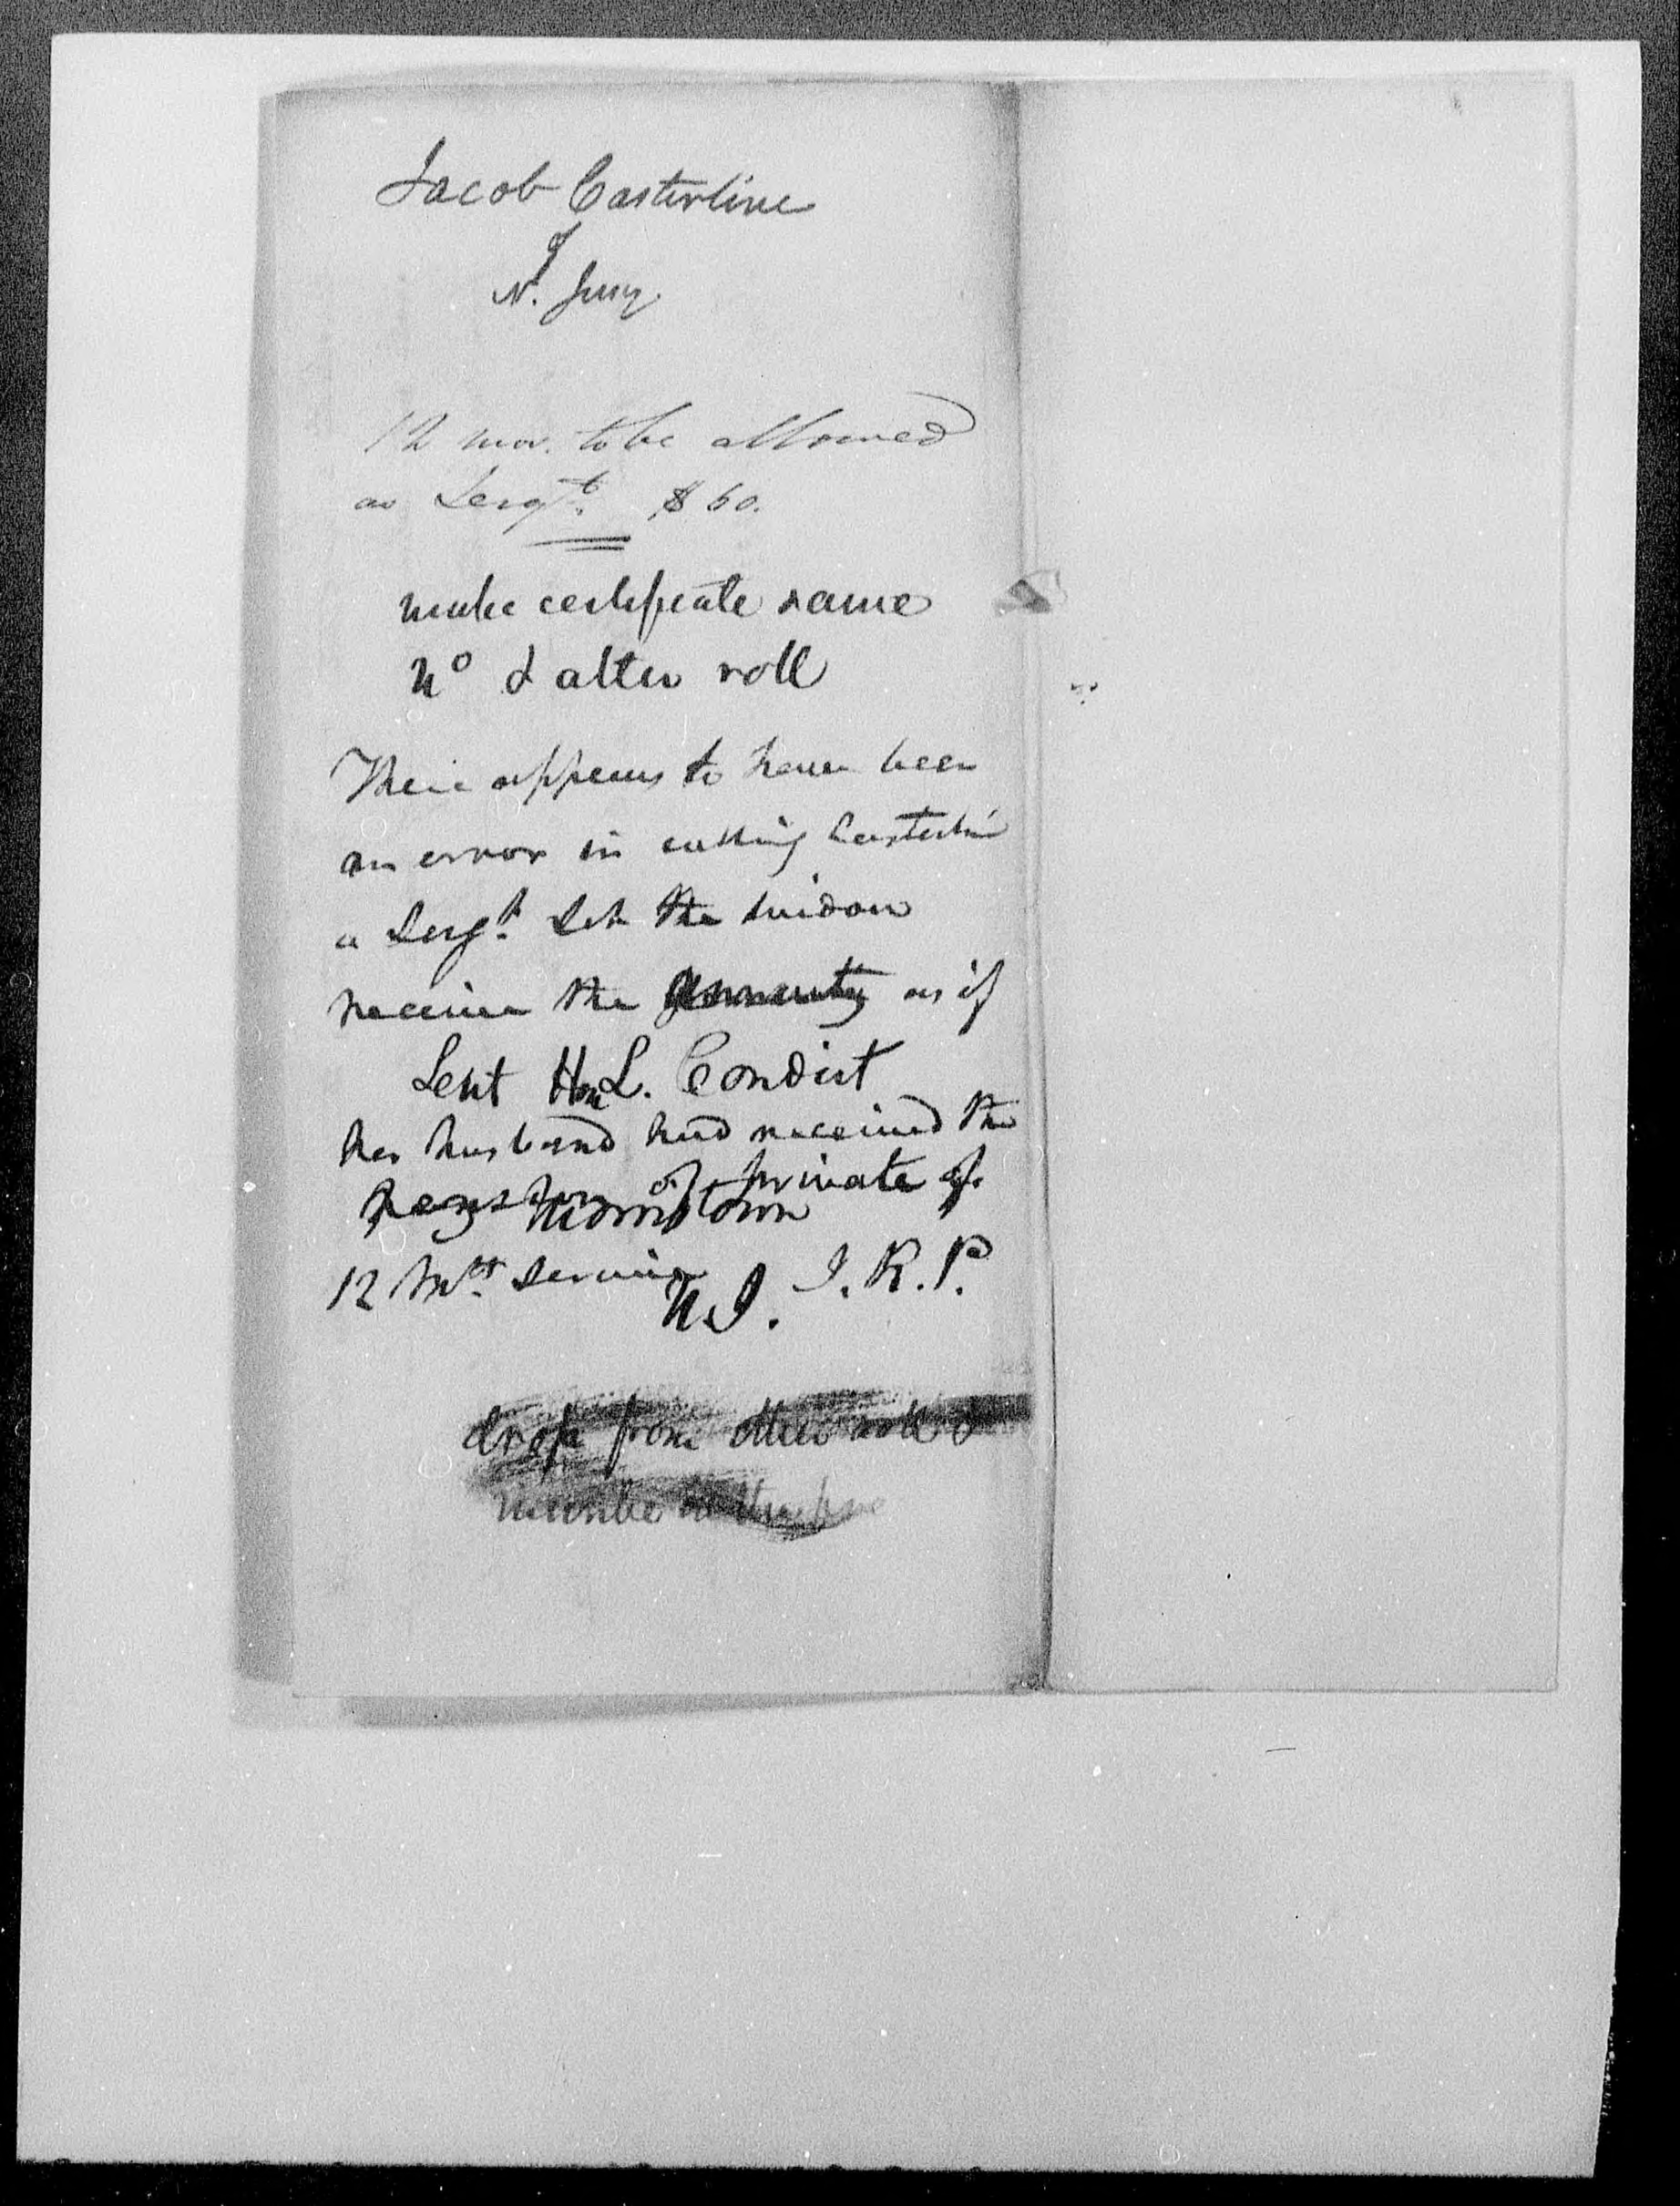Jacob Casterline
of 
N. Jersey

12 mos to be allowed as Sergt. $60

make certificate same No & alter roll

There appears to have been an error in making Casterline a Sergt. Let the widow receive the [illegible] as if. 

Sent Hon. L Condict the [?] and had received the [?] of Morristown.
12 mos service
MJ  JRP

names: Casterline, Jacob Casterline, L Condict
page: 31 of 38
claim: widow's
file: W. 6644, Jacob Casterline, New Jersey